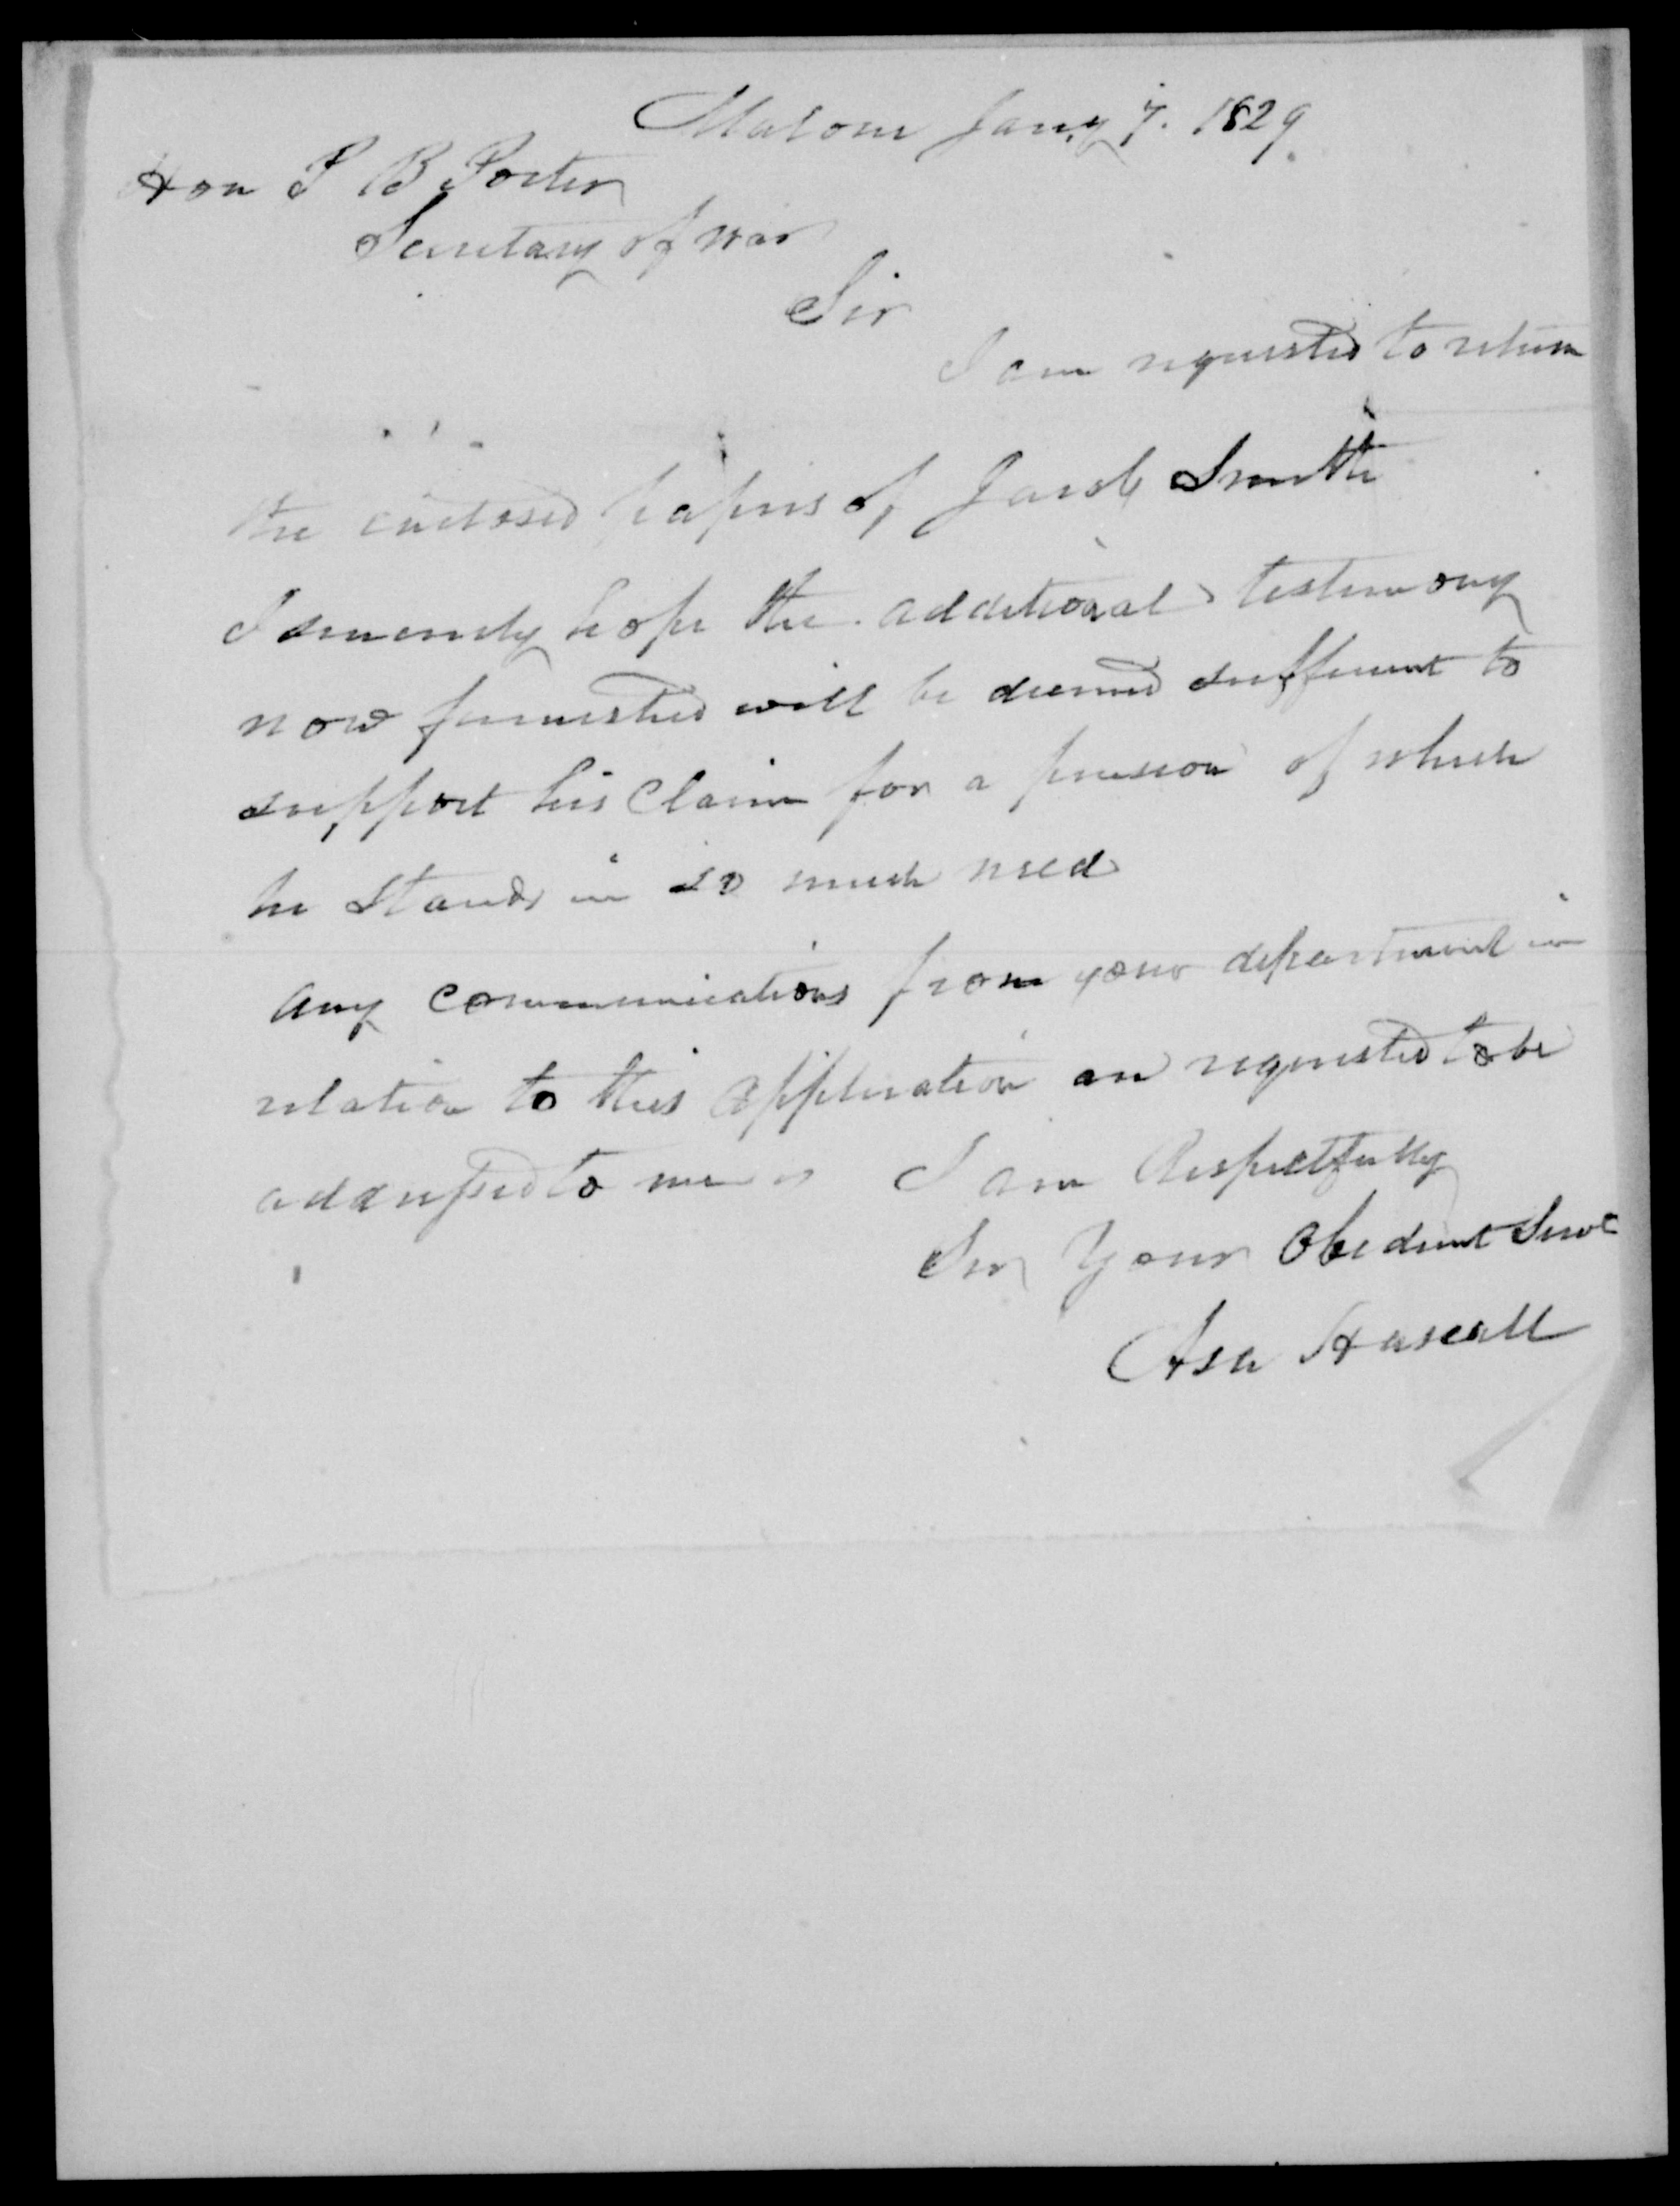Malons Jany 7. 1829

 Hon P B Porter
Secretary of War

Sir
I am requested to return the enclosed papers of Jacob Smith 
I sincerely hope the additional testimony now furnished will be deemed sufficient to support his claim for a pension of which he stands in so much need.
Any communications from your department in relation to this application and requested to be addressed to me. 
I am Respectfully 
Sir Your Obedient Sert
Asa Hascall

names: Asa Hascall; Jacob Smith; P B Porter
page: 15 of 15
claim: survivor's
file: S. 43157, for Jacob Smith, Vermont